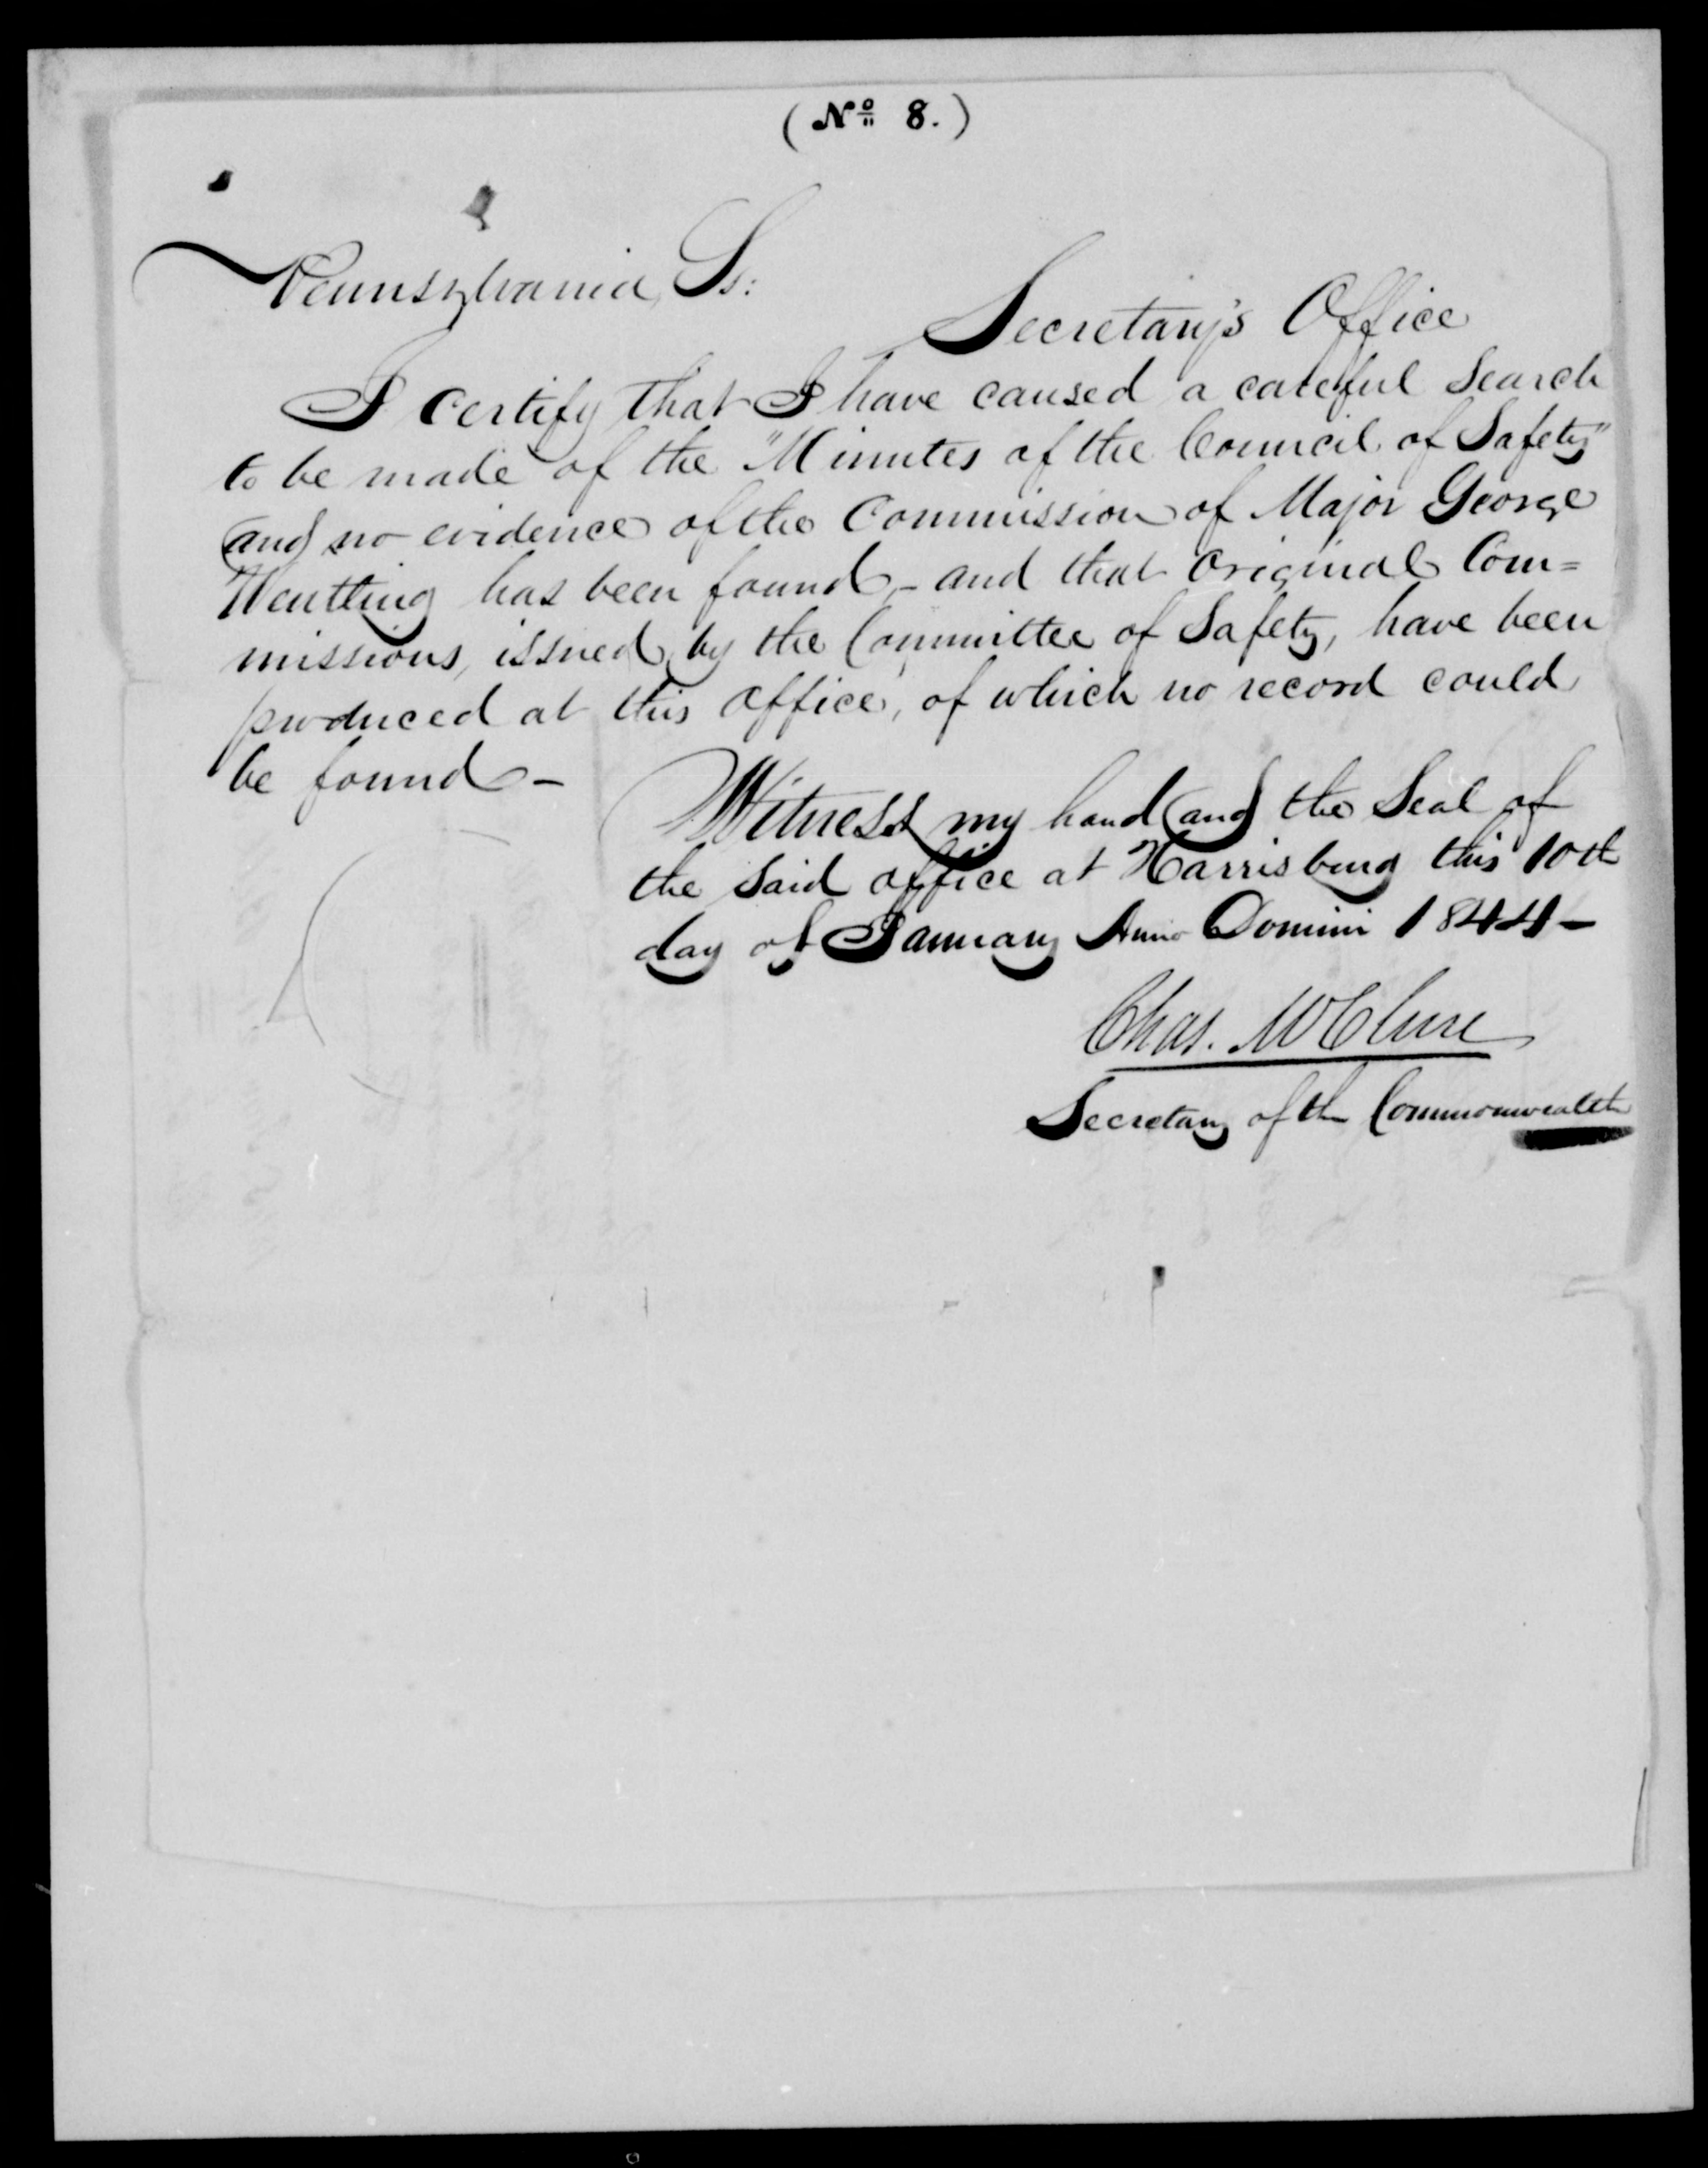(No 8.)
Pennsylvania Ss
Secretary's Office
I certify that I have caused a careful search
to be made of the "Minutes of the Council of Safety"
and no evidence of the Commission of Major George
Wentling has been found, and that Original commissions
 issued by the Committee of Safety, have been
produced at this office, of which no record could
be found-
Witness my hand and the Seal of
the said Office at Harrisburg this 10th
day of January Anno Domini 1844
Chas. M Clure
Secretary of the Commonwealth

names: George Wentling, Chas Mc Clure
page: 62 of 68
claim: survivor's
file: S. 6,358, George Wentling, Penn.